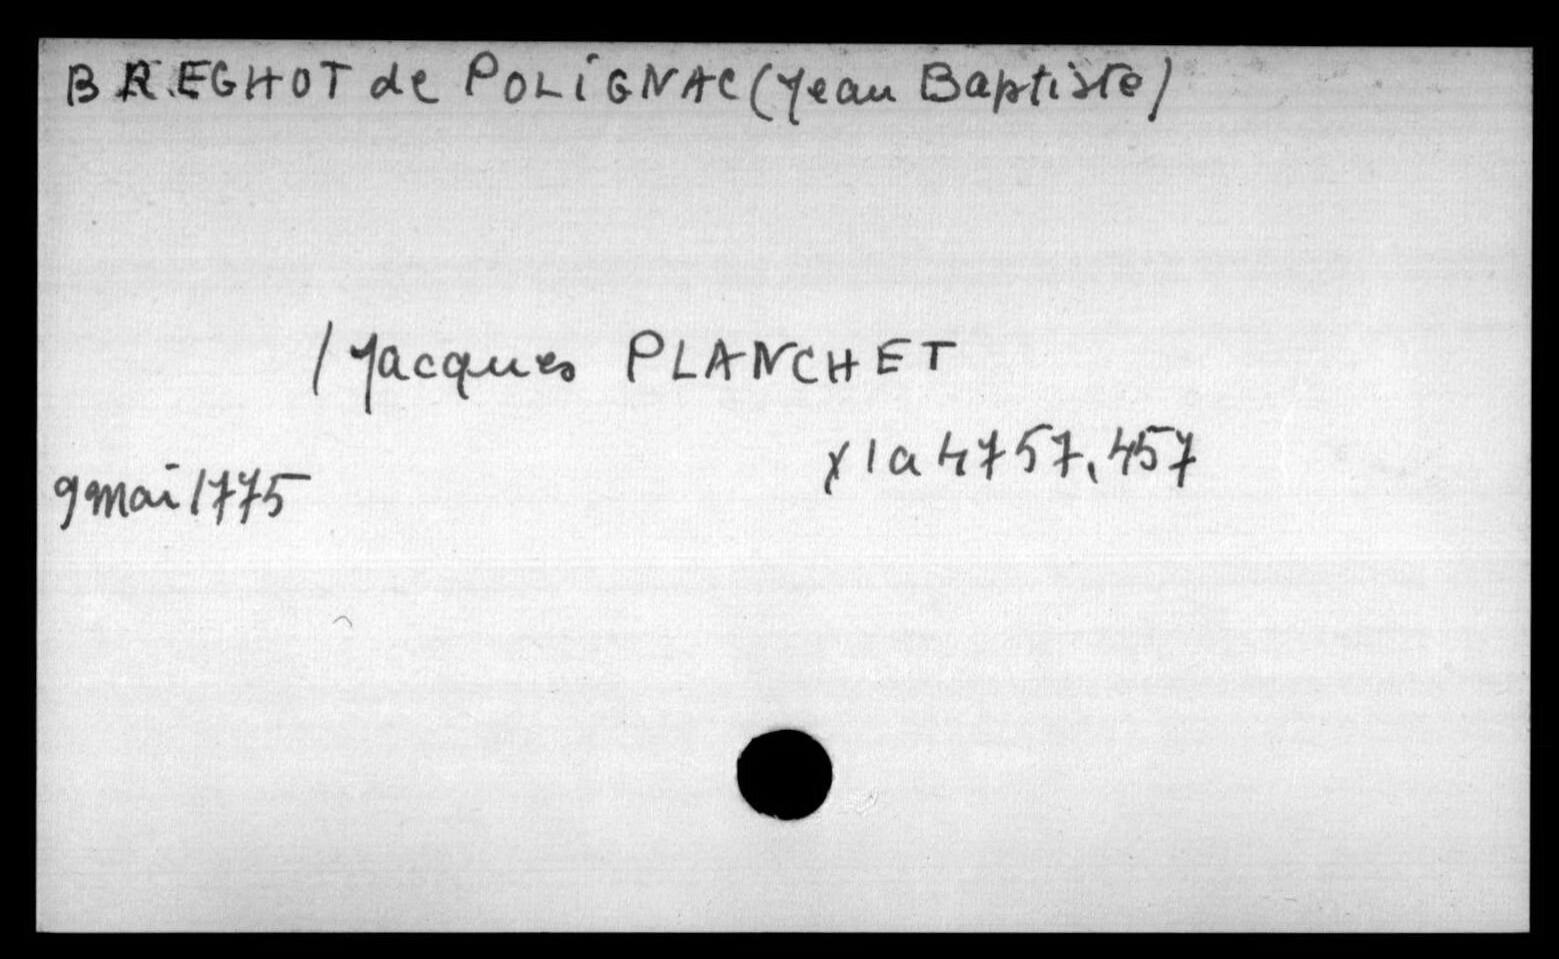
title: BREGHOT de POLIGNAC (Jean Baptiste)
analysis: Contre Jacques PLANCHET
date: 9 mai 1775
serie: X1a
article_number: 4757
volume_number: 457
